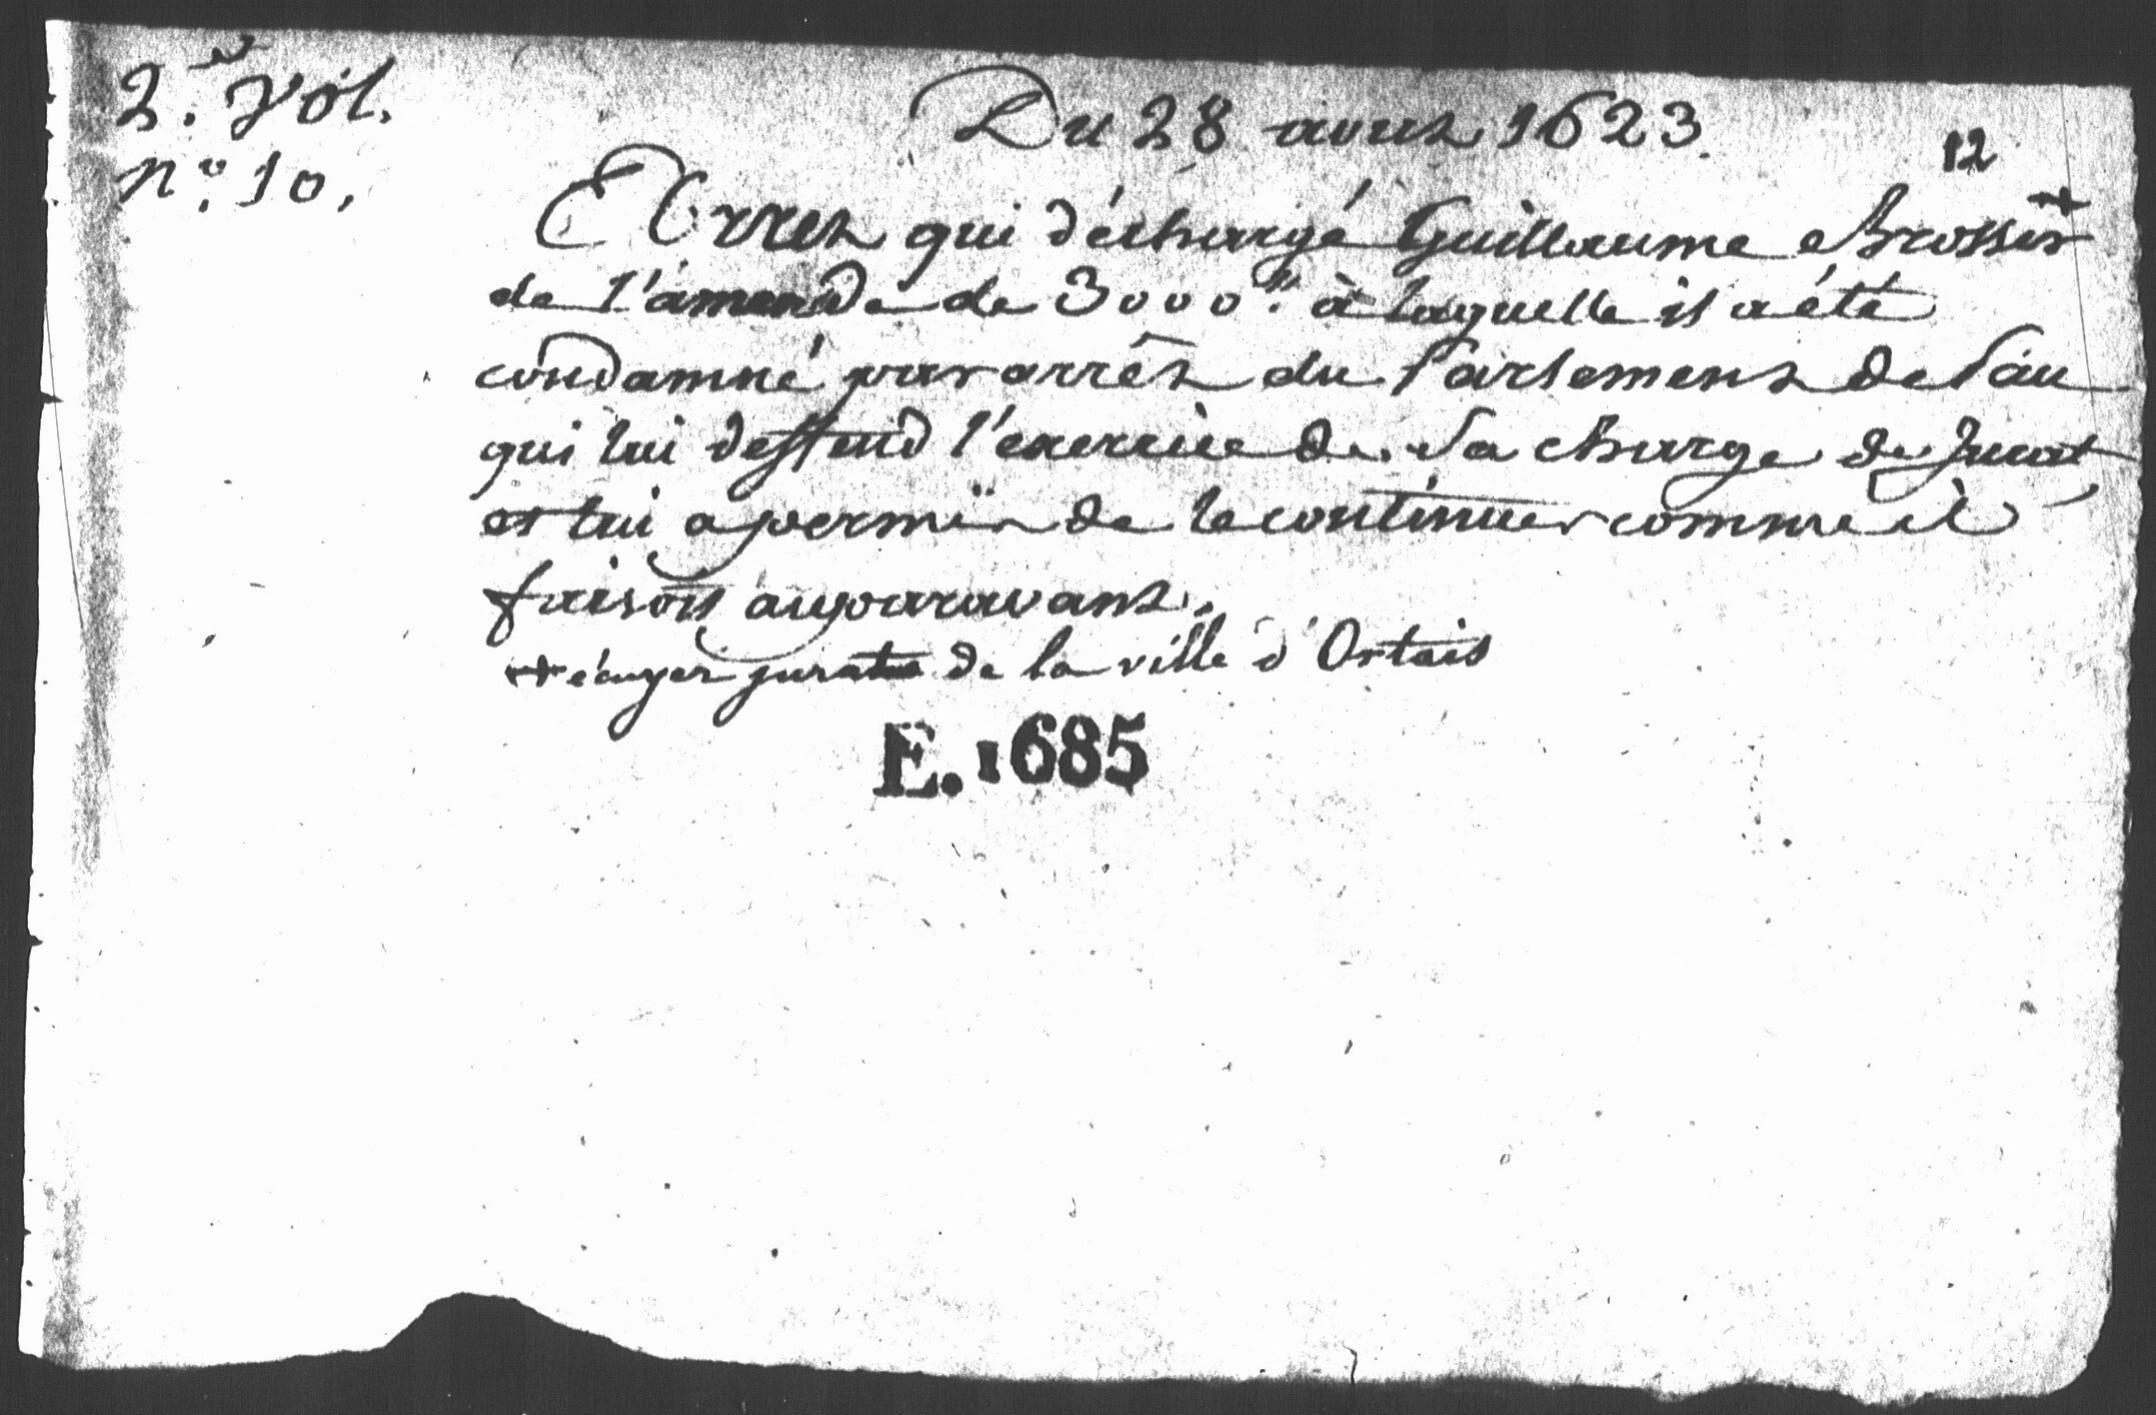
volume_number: n°10
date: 28 août 1623
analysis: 12
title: Arret qui déchargé Guillaume Brosser écuyer jurat de la ville d'Ortais de l'amende de 3000 # à laquelle il a été condamné par arrêt du Parlement de Pau qui lui deffend l'exercice de sa charge de jurat et lui a permis de la continuer comme il faisoit auparavant.
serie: E
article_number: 1685
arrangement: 2e vol.
